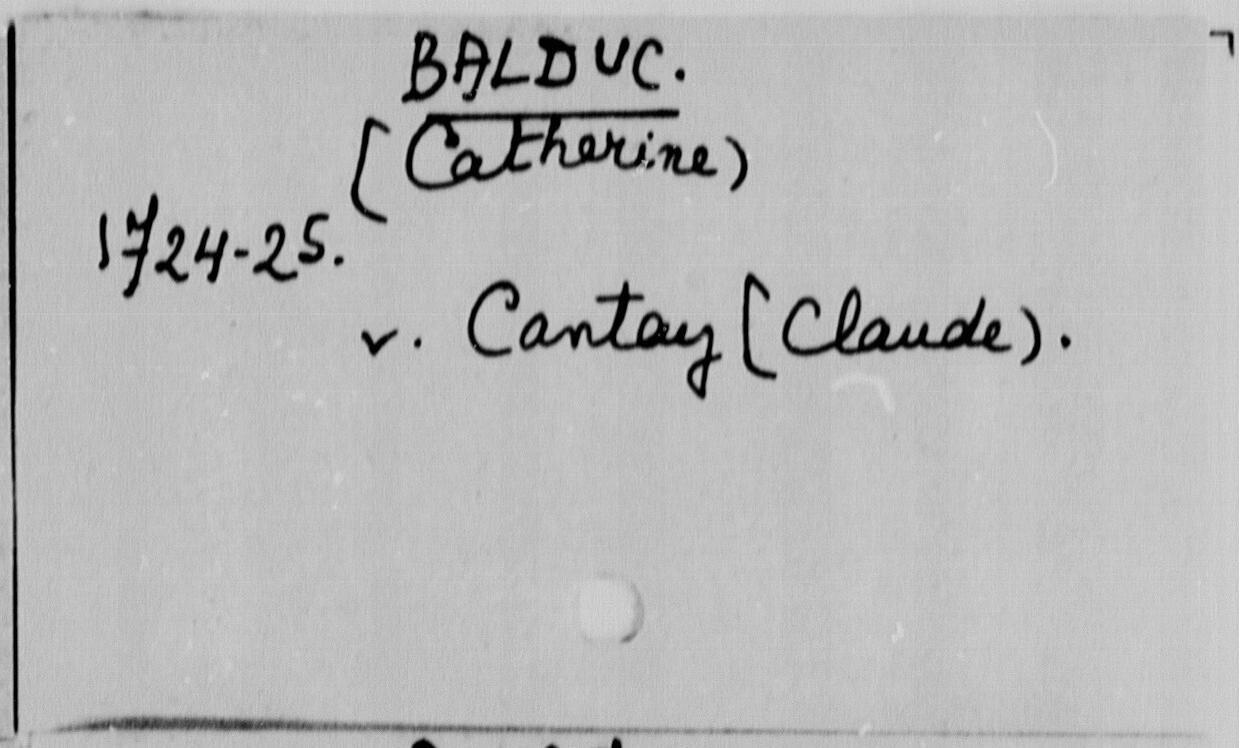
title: BALDUC (Catherine)
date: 1724-1725
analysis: Voir CANTAY (Claude)
